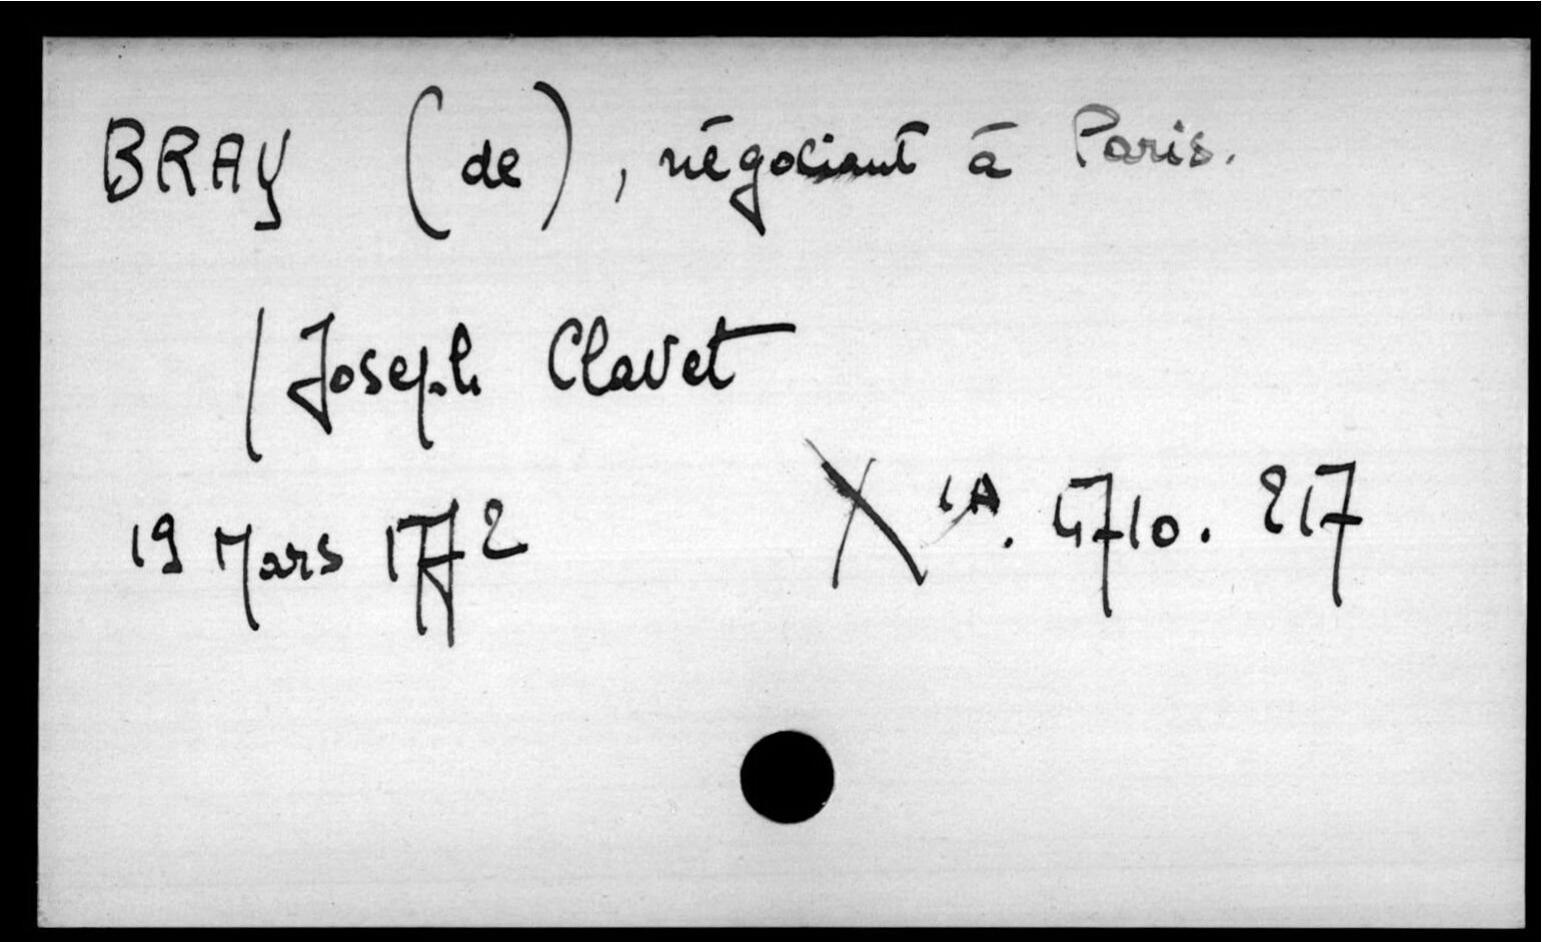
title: BRAY (de), négociant à Paris.
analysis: Contre Joseph Clavet
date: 19 mars 1772
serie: X1A
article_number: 4710
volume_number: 217
